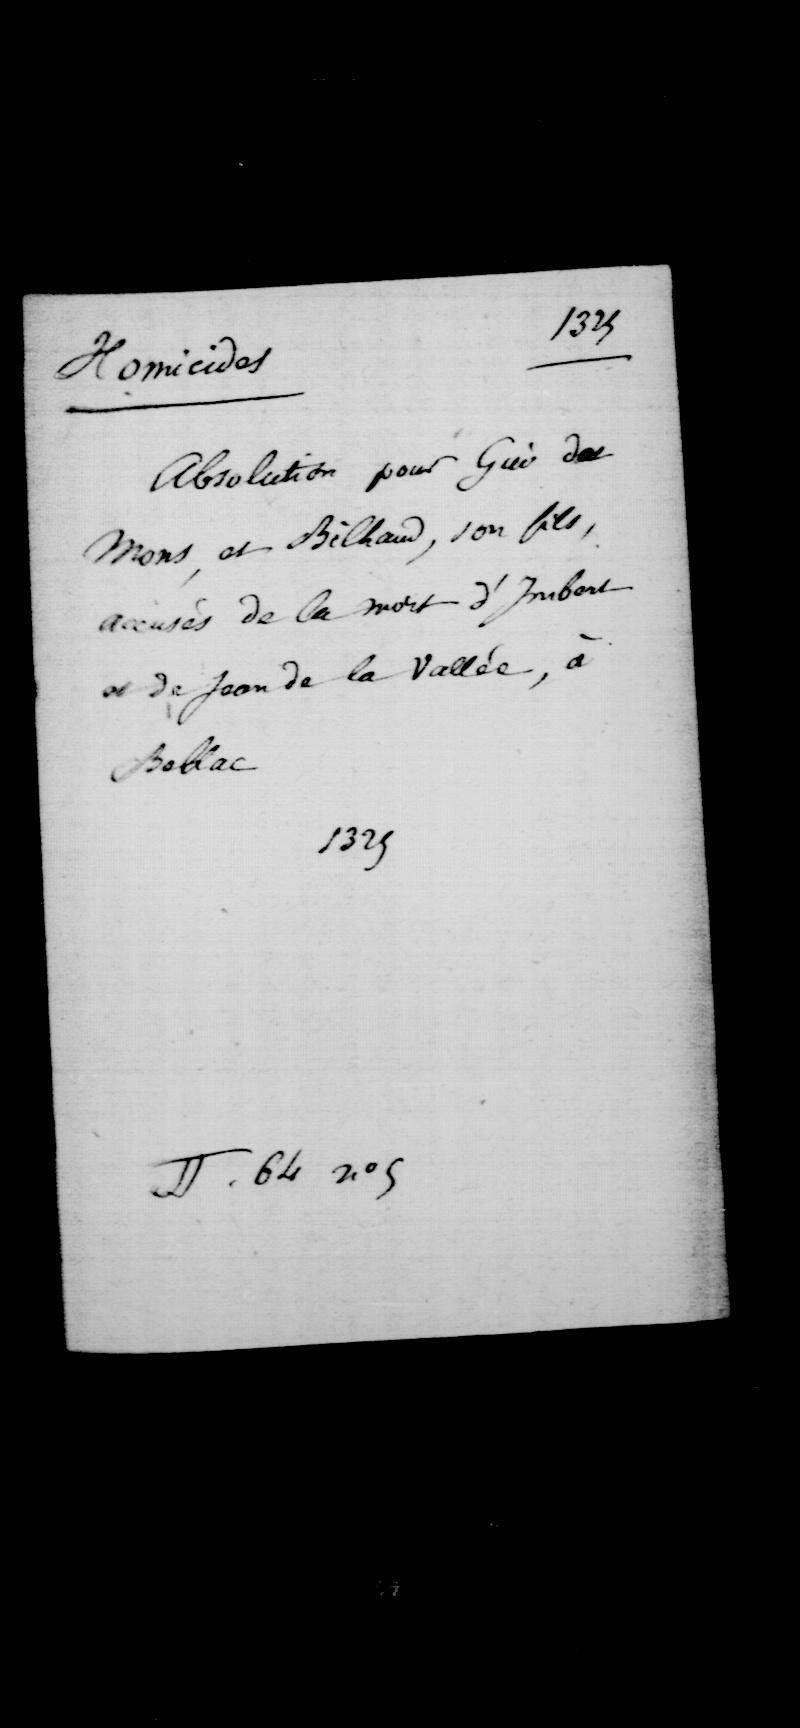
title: Homicides
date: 1325
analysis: Absolution pour Gui de Mons, et Bilhaud, son fils, accusés de la mort d'Imbert et de Jean de la Vallée, à Bellac. 1325
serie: JJ
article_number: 64
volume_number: n° 5
